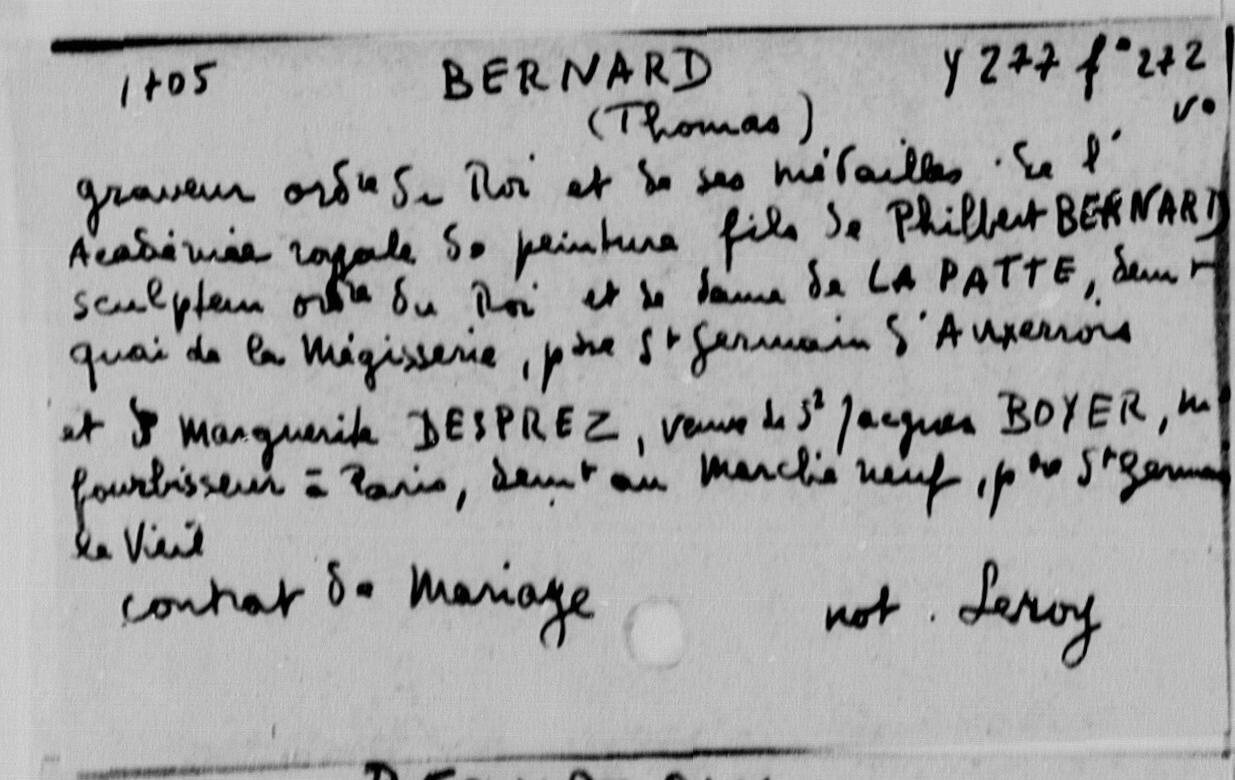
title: BERNARD (Thomas)
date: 1705
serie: Y
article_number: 277
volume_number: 272v
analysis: Graveur ordinaire du roi et de ses médailles, de l'Académie royale de peinture fils de Philbert BERNARD, Sculpteur ordinaire du roi et de dame de LA PATTE, demeurant quai de la Mégisserie, paroisse Saint-Germain-l'Auxerrois et de Marguerite DESPREZ, veuve de sieur Jacques BOYER, marchand fourbisseur à Paris, demeurant au Marché Neuf, paroisse Saint-Germain le Vieil. Contrat de mariage. notaire. Leroy
